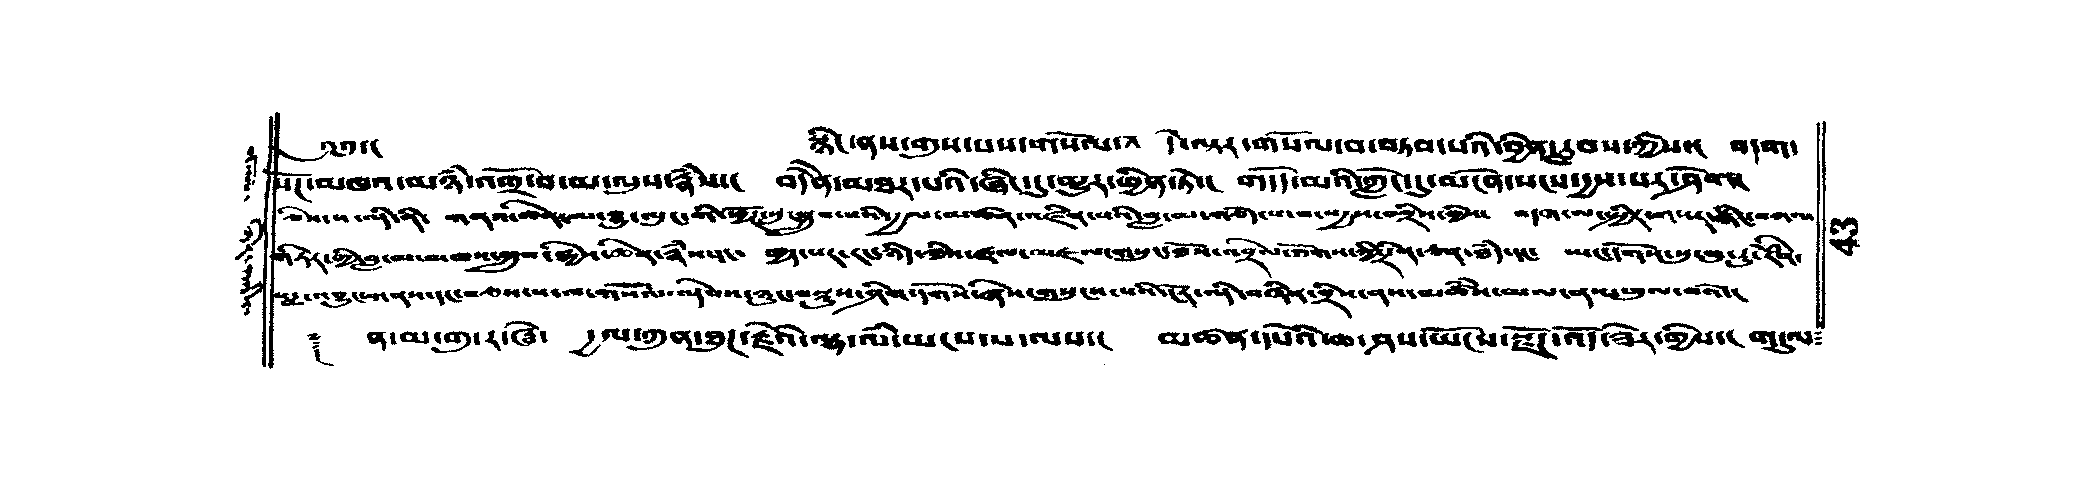སྙིང་ནས་གུས་པས་གསོལ༴ །དེ་ལྟར་གསོལ་བ་བཏབ་པའི་བྱིན་རླབས་ཀྱིས། །བདག་
སོགས་མཁའ་མཉམ་འགྲོ་བ་མ་ལུས་རྣམས། །བདེ་ཆེན་ཐར་པའི་ཞིང་དུ་མྱུར་ཕྱིན་ཏེ། །གདོད་མའི་ཀློང་དུ་མངོན་སངས་རྒྱས་པར་ཤོག
ཅེས་པ་འདི་ནི་གནས་ཆེན་མ་སྐུང་ལུང་གི་ཕྱོགས་སུ་སྒྲུབ་པའི་རྒྱལ་མཚན་འཛིན་པའི་བླ་མ་གཅོད་པ་བ་སངས་རྒྱས་བཀྲ་ཤིས་གྱིས། བདག་ལ་སྤྱིར་གསར་རྙིང་བཀའ་
གཏེར་གྱི་བླ་མ་མཁས་གྲུབ་སྐྱེས་ཆེན་རྣམས་དང་། ཁྱད་པར་རང་ཉིད་ཀྱིས་ཞལ་མཇལ་གསུང་ཐོས་འབྲེལ་ཐོགས་ཀྱི་དྲིན་ཅན་ཐམས་ཅད་དང་། ཡང་དགོས་སུ་གུ་རུ་རིན་
པོ་ཆེ་པདྨ་འབྱུང་གནས་དང་བཅས་པ་ལ་གསོལ་འདེབས་ཉུང་བསྡུས་ཤིག་དགོས་ཞེས་གསུངས་པའི་ངོར་འདི་བཞིན་བྲིས་ནས་མཚམས་མལ་ནས་ཕུལ་བའོ།། 
༈ ན་མ་གུ་ར་ཝེ། རྒྱལ་ཀུན་ཐུགས་རྗེའི་ལྷ་ལམ་ཡངས་པ་ལས། །མཚན་དཔེའི་ཆ་ཤས་ཡོངས་རྫོགས་འོད་ཟེར་གྱིས། །གདུལ་